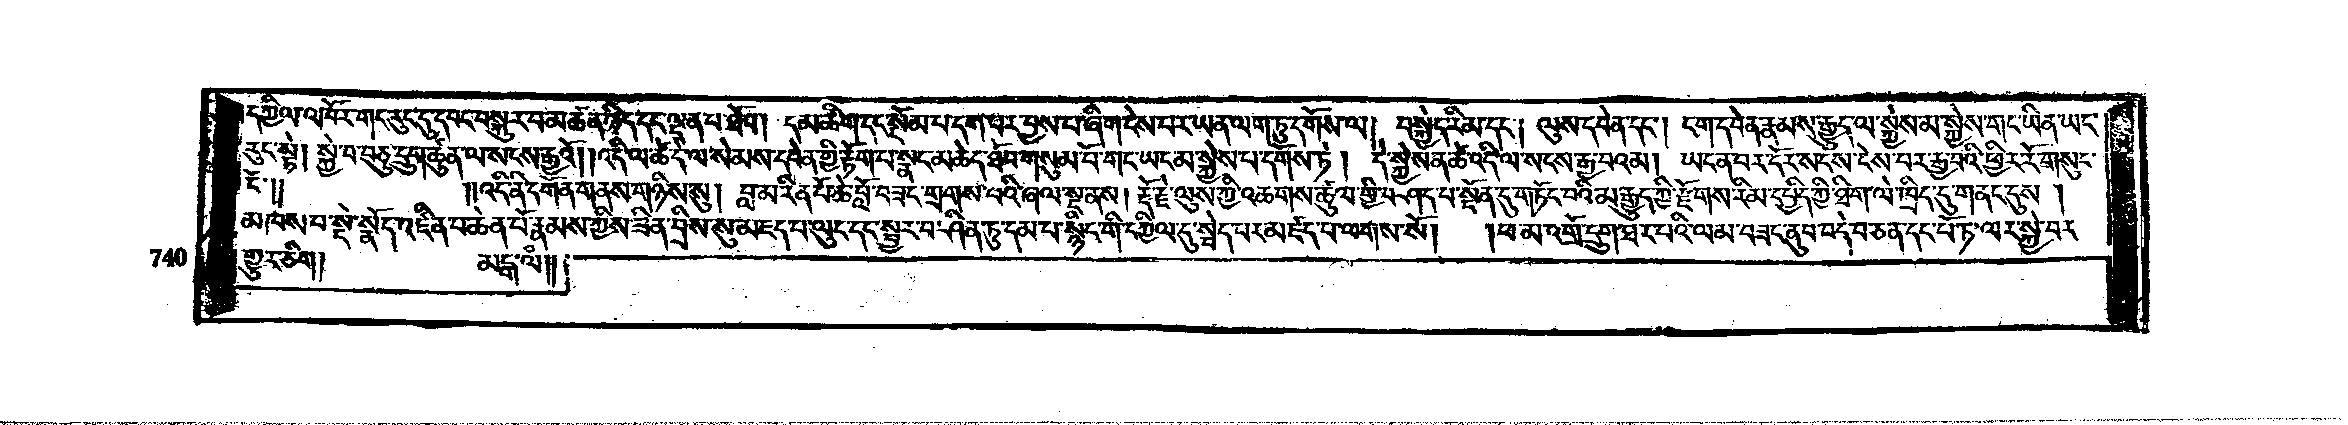དཀྱིལ་འཁོར་གང་རུང་དུ་དབང་བསྐུར་བ་མཚན་ཉིད་དང་ལྡན་པ་ཐོབ། དམ་ཚིག་དང་སྡོམ་པ་དག་པར་བྱས་པ་ཞིག་ངེས་པར་ཡན་ལག་ཏུ་དགོས་ལ། བསྐྱེད་རིམ་དང་། ལུས་དབེན་དང་། ངག་དབེན་རྣམས་རྒྱུད་ལ་སྐྱེས་མ་སྐྱེས་གང་ཡིན་ཡང་
རུང་སྟེ། སྐྱེ་བ་བཅུ་དྲུག་ཚུན་ལ་སངས་རྒྱའོ། །འདི་ལ་ཚེ་དེ་ལ་སེམས་དབེན་གྱི་རྟོག་པ་སྣང་མཆེད་ཐོབ་གསུམ་པོ་གང་ཡང་མ་སྐྱེས་པ་དགོས་ཏེ། དེ་སྐྱེས་ན་ཚེ་འདི་ལ་སངས་རྒྱ་བའམ། ཡང་ན་བར་དོར་སངས་ངེས་པར་རྒྱ་བའི་ཕྱིར་རོ་གསུང་
ངོ།། །།འདི་ནི་དགོན་གནས་གཉིས་སུ། བླ་མ་རིན་པོ་ཆེ་བློ་བཟང་གྲགས་པའི་ཞལ་སྔ་ནས། རྡོ་རྗེ་ལུས་ཀྱི་འཆགས་ཚུལ་གྱི་བཤད་པ་སྔོན་དུ་གཏོང་བའི་མ་རྒྱུད་ཀྱི་རྫོགས་རིམ་དཔྱིད་ཀྱི་ཐིག་ལེ་ཁྲིད་དུ་གནང་དུས།
མཁས་པ་སྡེ་སྣད་འཛིན་པ་ཆེན་པོ་རྣམས་ཀྱིས་ཟིན་བྲིས་སུ་མཛད་པ་ལུང་དང་སྦྱར་བ་ཤིན་ཏུ་དམ་པ་སྙིང་གི་དཀྱིལ་དུ་སྦེད་པར་མཛད་པ་ལགས་སོ། །ཕ་མ་འགྲོ་དྲུག་ཐར་པའི་ལམ་བཟང་ནུབ་བདེ་བ་ཅན་དང་པོ་ཏ་ལར་སྐྱེ་བར་
གྱུར་ཅིག། མངྒ་ལཾ། །